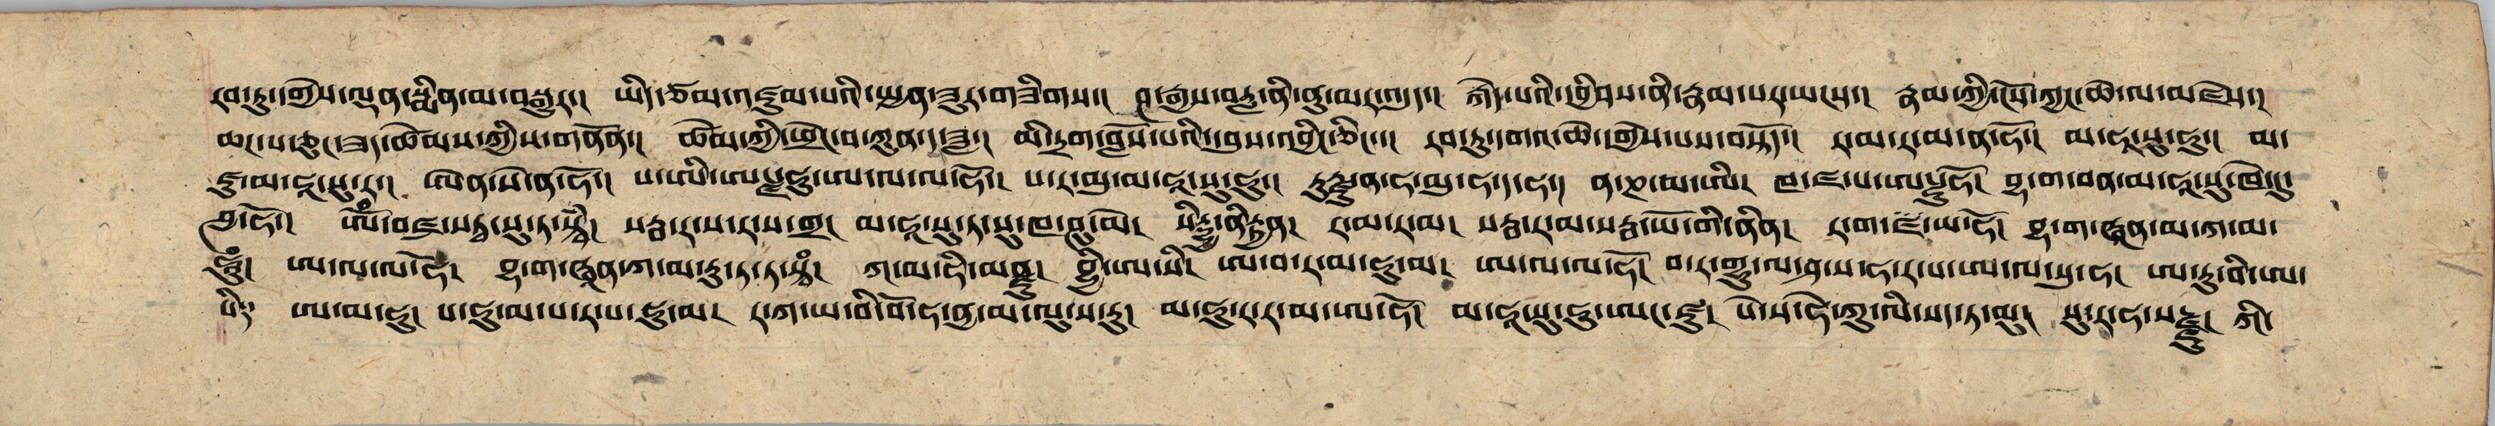རབ་ཏུ་དགྱེས་ལྡན་སྨིན་མ་བསྒྱུར་། ཡིད་ཙམ་འཛུམ་པའི་སྤྱན་ཟུར་གཟིགས་། ཤ་རྒྱས་བརླ་ནི་ནུ་མར་འདུད་། རྐེད་པའི་དབྱིབས་ནི་རྣམ་པར་ཡངས་། རྣམ་ཀྱི་ངོས་ཀྱང་ཆེ་ལ་མཛེས་།
ཆཌ་པ་ཅུང་ཟད་ཚེམས་ཀྱིས་གནོན་། ཚེམ་ཀྱི་ཕྲེང་བ་ཀུན་ད་ཟླ་། མི་དྲག་བློས་པའི་དབུས་འབྱིང་ཅིང་་། རབ་ཏུ་དགའ་ཆེ་དགྱེས་པས་བསྟོད་། ར་མ་ར་མ་ན་ཧོ་། མ་ཧཱ་སུ་ཧུ་། མ་
ཛུ་མ་ཧཱ་སུ་ར་། ཨེན་སེ་ན་ཧོ་། པ་ཨི་ཨངྫ་ཧུ་ཨ་ལ་ལ་ཧོ་། ས་ར་མུ་མ་ཧཱ་སུ་ཧུ་། ཏུཏྫུ་ན་ཧ་མུ་ཧ་ད་ཧ་། ན་ཎ་མ་ཨི། ཁ་ཛ་ས་ཨངྫུ་ཧོ། བྷ་ག་བན་མ་ཧཱ་སུ་ཁེ་དུ་
ཤ་ཧོ་། ཨོཾ་བཛྲ་སཏྭ་སུ་ཏ་སྟྭཾ། སརྦ་ར་ས་ར་ས་གྲ། མ་ཧཱ་སུ་ཏ་སུ་ཁ་ཤུ་མེ། སིརྷྱ་ནི་རྟྱན། ར་མ་ར་མ། སརྦ་ར་མ་སརྦ་ཡོ་གི་ནིན། ར་ག་ཛ་ཡ་ཧོ། བྷ་ག་ཝན་མ་ཀ་མ་
ཧཱུཾ། ཨ་ལ་ལ་ཧོ། བྷ་ག་ཝཱན་ཀ་མ་རུ་ཏ་ཏ་སྟྭཾ། ཀ་མ་ཧི་མནྫུ། བྷྱི་ཨ་སི། ཨ་བ་ར་མ་ཧུ་མ། ཨ་ལ་ལ་ཧོ། བ་ར་གྷུ་ལ་ཤ་ས་ཧ་ར་ས་ཨ་ལ་སུ་ཧ། ཨ་རུ་བི་ཨ་
སི༑ ཨ་མ་ཧུ། ས་ཧུ་མ་པ་ཏ་པ་ཧུ་མ། ར་ཀ་ཡ་བི་བོ་ཧ་ནྱ་མ་ལུ་ས་རུ། མ་ཧུ་ར་ར་མ་ཨ་ཧོ། མ་ཧཱ་སུ་ཧུ་ཨང་ཛུ། སེ་ས་ཧེ་ཀུ་ལི་སད་ཏ་མུ། སུ་ར་ཧ་སརྫྫུ། ཀི་ རྫྫུ